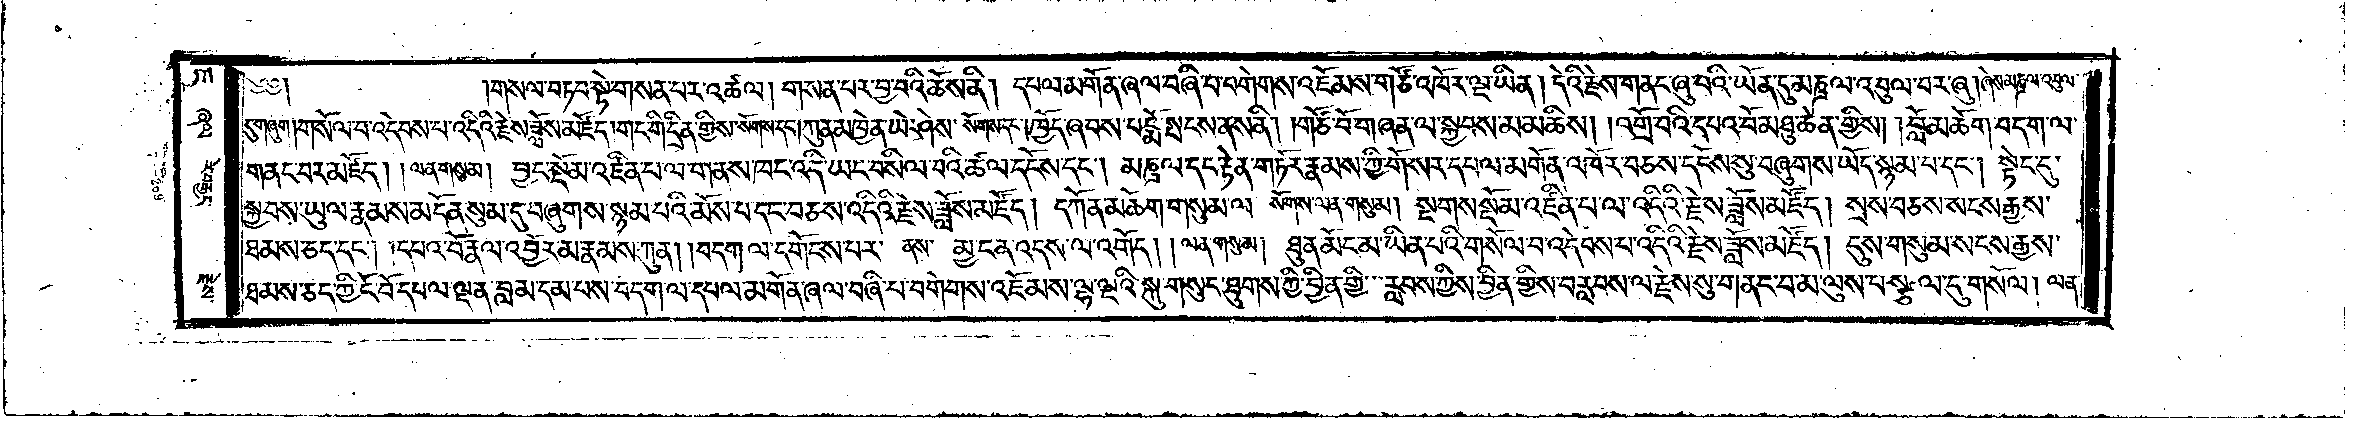༄༅། །གསལ་བཏབ་སྟེ་གསན་པར་འཚལ། གསན་པར་བྱ་བའི་ཆོས་ནི། དཔལ་མགོན་ཞལ་བཞི་པ་བགེགས་གཙོ་འཁོར་ལྔ་ཡིན། དེའི་རྗེས་གནང་ཞུ་བཱཨི་ཡོན་དུ་མནཏལ་འབུལ་བར་ཞུ། ཞེས་མནྟལ་བ་འབུལ་
དུ་གཞུག། གསོལ་བ་འདེབས་པ་འདིའི་རྗེས་ཟློས་མཛོད། གང་གི་དྲིན་གྱིས་སོགས་དང་།  ཀུན་མཁྱེན་ཡེ་ཤེས་སོགས་དང་།  ཁྱོད་ཞབས་པདམོ་སྤངས་ནས་ནི། །གཙོ་བོ་གཞན་ལ་སྐྱབས་མ་མཆིས། །འགྲོ་བའི་དཔའ་བོ་མཐུ་ཆེན་གྱིས། །བློ་མཆོག་བདག་ལ་
གནང་བར་མཛོད། །ལན་གསུམ།  བྱང་སྡོམ་འཛིན་པ་ལ་གནས་ཁང་འདི་ཡང་བསིལ་པའི་ཚལ་དངོས་དང་། མཎྜལ་དང་རྟེན་གཏོར་རྣམས་ཀྱི་གོ་སར་དཔལ་མགོན་འཁོར་བཅས་དངོས་སུ་བཞུགས་ཡོད་སྙམ་པ་དང་། སྟེང་དུ་
སྐྱབས་ཡུལ་རྣམས་མངོན་སུམ་དུ་བཞུགས་སྙམ་པའི་མོས་པ་དང་བཅས་འདིའི་རྗེས་ཟློས་མཛོད། དཀོན་མཆོག་གསུམ་ལ་སོགས་ལན་གསུམ།  སྔགས་སྡོམ་འཛིན་པ་ལ་འདིའི་རྗེས་ཟློས་མཛོད། སྲས་བཅས་སངས་རྒྱས་
ཐམས་ཅད་དང་། །དཔའ་བོ་རྣལ་འབྱོར་མ་རྣམས་ཀུན། །བདག་ལ་དགོངས་པར་ནས་མྱ་ངན་འདས་ལ་འགོད། །ལན་གསུམ།  ཐུན་མོང་མ་ཡིན་པའི་གསོལ་བ་འདེབས་པ་འདིའི་རྗེས་ཟློས་མཛོད། དུས་གསུམ་སངས་རྒྱས་
ཐམས་ཅད་ཀྱི་ངོ་བོ་དཔལ་ལྡན་བླ་མ་དམ་པས་བདག་ལ་དཔལ་མགོན་ཞལ་བཞི་པ་སྒེགས་འཇོམས་ལྷ་ལྔའི་སྐུ་གསུང་ཐུགས་ཀྱི་བྱིན་གྱི་རླབས་ཀྱིས་བྱིན་གྱིས་བརླབས་ལ་རྗེས་སུ་གནང་བ་མ་ལུས་པ་སྩལ་དུ་གསོལ། ལན་